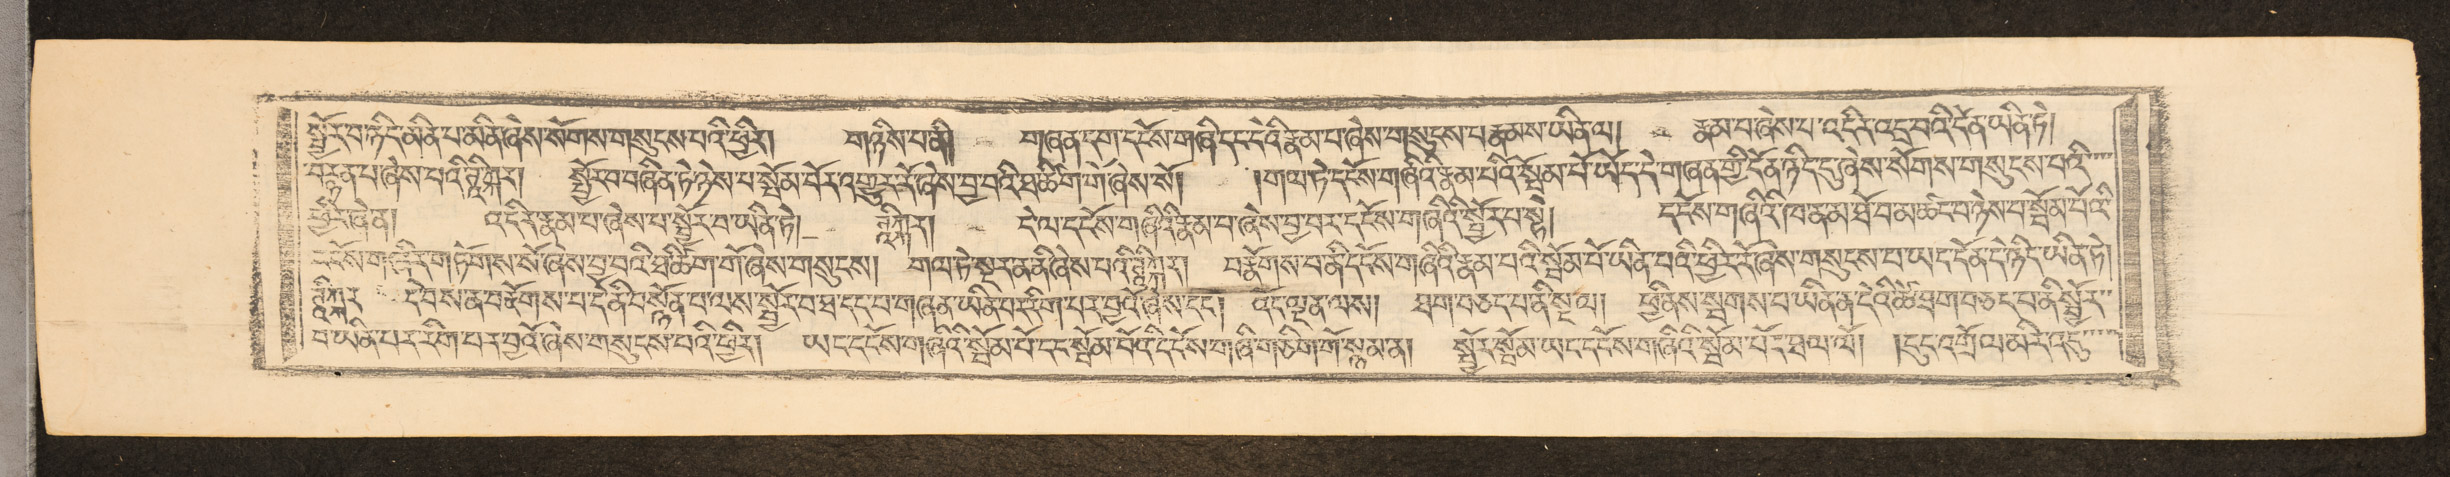སྦྱོར་བ་ཉིད་མིན་བ་མིན་ཞེས་སོགས་གསུངས་པའི་ཕྱིར། གཉིས་པ་ནི། གཞན་དག་དངོས་གཞི་དང་དེའི་རྣམ་པ་ཞེས་གསུངས་པ་རྣམས་ཡིན་ལ། རྣམ་པ་ཞེས་པ་འདིར་འདྲ་བའི་དོན་ཡིན་ཏེ།
བརྙན་པ་ཞེས་པའི་ཊཱིཀྐར། སྦྱོར་བ་བཞིན་ཏེ་ཉེས་པ་སྦོམ་པོར་འགྱུར་རོ་ཞེས་བྱ་བའི་ཐ་ཚིག་གོ་ཞེས་སོ། །གལ་ཏེ་དངོས་གཞིའི་རྣམ་པའི་སྦོམ་པོ་ཡོད་དེ་གཞན་གྱི་དོན་ཉིད་དུ་ཞེས་སོགས་གསུངས་པའི་
ཕྱིར་ཞེ་ན། འདིར་རྣམ་པ་ཞེས་པ་སྦྱོར་བ་ཡིན་ཏེ། ཊཱིཀྐར། དེ་ལ་དངོས་གཞིའི་རྣམ་པ་ཞེས་བྱ་བར་དངོས་གཞིའི་སྦྱོར་བ་སྟེ། དངོས་གཞིའི་ཁ་ན་མ་ཐོབ་མ་ཚང་བ་ཉེས་པ་སྦོམ་པོའི་
དངོས་གཞིར་གཏོགས་སོ་ཞེས་བྱ་བའི་ཐ་ཚིག་གོ་ཞེས་གསུངས། གལ་ཏེ་སྔར་ན་ནི་ཞེས་པའི་ཊཱིཀྐར། བརྣོགས་པ་ནི་དངོས་གཞིའི་རྣམ་པའི་སྦོམ་པོ་ཡིན་པའི་ཕྱིར་རོ་ཞེས་གསུངས་པ་ཡང་དོན་དེ་ཉིད་ཡིན་ཏེ།
ཊཱིཀྐར། དེ་བས་ན་བརྣོགས་པ་དེ་ནི་བསྙོན་པ་ལས་སྦྱོར་བ་ཐ་དང་པ་གཞན་ཡིན་པར་རིག་པར་བྱའོ་ཞེས་དང་། འོད་ལྡན་ལས། ཐག་བཅང་པ་ནི་སྔ་ལ། ཕྱི་ནས་སྤགས་པ་ཡིན་ན་དེའི་ཚེ་ཐག་བཅད་པ་ནི་སྦྱོར་
བ་ཡིན་པར་རིག་པར་བྱའོ་ཞེས་གསུངས་པའི་ཕྱིར། ཡང་དངོས་གཞིའི་སྦོམ་པོ་དང་སྦོམ་པོའི་དངོས་གཞི་གཅིག་གོ་སྙམ་ན། སྦྱོར་སྦོམ་ཡང་དངོས་གཞིའི་སྦོམ་བོར་ཐལ་ལོ། །དུད་འགྲོ་ལ་མིར་འདུ་